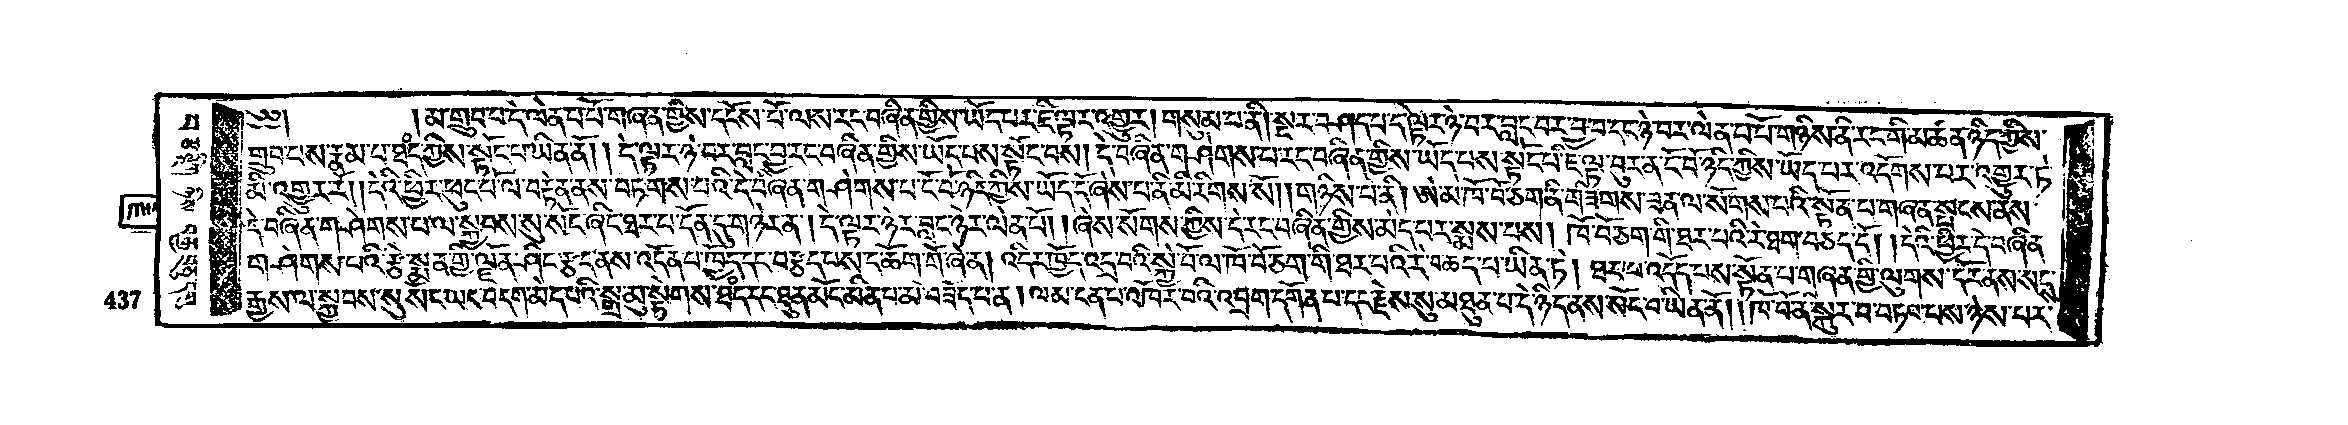༄༅། །མ་གྲུབ་པ་དེ་ལེན་པ་པོ་གཞན་གྱིས་དངོས་པོ་ལས་རང་བཞིན་གྱིས་ཡོད་པར་ཇི་ལྟར་འགྱུར། གསུམ་པ་ནི། སྔར་བཤད་པ་དེ་ལྟར་ཉེ་བར་བླང་བར་བྱ་བ་དང་ཉེ་བར་ལེན་པ་པོ་གཉིས་ནི་རང་གི་མཚན་ཉིད་ཀྱིས་
གྲུབ་པས་རྣམ་པ་ཐཾད་ཀྱིས་སྟོང་པ་ཡིན་ནོ། །དེ་ལྟར་ཉེ་བར་བླང་བྱ་རང་བཞིན་གྱིས་ཡོད་པས་སྟོང་བས། དེ་བཞིན་གཤེགས་པ་རང་བཞིན་གྱིས་ཡོད་པས་སྟོང་པ་ཇི་ལྟ་བུར་ན་ངོ་བོ་ཉིད་ཀྱིས་ཡོད་པར་འདོགས་པར་འགྱུར་ཏེ་
མི་འགྱུར་རོ། །དེའི་ཕྱིར་ཕུང་པོ་ལ་བརྟེན་ནས་བཏགས་པའི་དེ་བཞིན་གཤེགས་པ་ངོ་བོ་ཉིད་ཀྱིས་ཡོད་དོ་ཞེས་པ་ནི་མི་རིགས་སོ། །གཉིས་པ་ནི། ཨེ་མ་ཁོ་བོ་ཅག་ནི་གཟིགས་ཟན་ལ་སོགས་པའི་སྟོན་པ་གཞན་སྤངས་ནས་
དེ་བཞིན་གཤེགས་པ་ལ་སྐྱབས་སུ་སོང་ཞིང་ཐར་པ་དོན་དུ་གཉེར་ན། དེ་ལྟར་ཉེར་བླང་ཉར་ལེན་པོ། །ཞེས་སོགས་ཀྱིས་དེ་རང་བཞིན་གྱིས་མེ་དཔར་སྨྲས་པས། ཁོ་བོ་ཅག་གི་ཐར་པའི་རེ་ཐག་བཅད་དོ། །དེའི་ཕྱིར་དེ་བཞིན་
གཤེགས་པའི་རྩེ་སྨན་གྱི་ལྗོན་ཤིང་རྩད་ནས་འདོན་པ་ཁྱོད་དང་བརྩད་པས་ད་ཆོག་གོ་ཞེ་ན། འདིར་ཁྱོད་འདྲ་བའི་སྐྱེ་བོ་ལ་ཁོ་བོ་ཅག་གི་ཐར་པའི་རེ་བ་ཆད་པ་ཡིན་ཏེ། ཐར་པ་འདོད་པས་སྟོན་པ་གཞན་གྱི་ལུགས་དོར་ནས་སངས་
རྒྱས་ལ་སྐྱབས་སུ་སོང་ཡང་བདག་མེད་པའི་སྒྲ་མུ་སྟེགས་ཐཾད་དང་ཐུན་མོང་མིན་པ་མི་བཟོད་པ་ན། ལམ་ངན་པ་འཁོར་བའི་འབྲག་དགོན་པ་དང་རྗེས་སུ་མཐུན་པ་དེ་ཉིད་ནས་སོང་བ་ཡིན་ནོ། །ཁོ་བོ་ནི་སྐུར་བ་བཏབ་པས་ཉེ་པར་